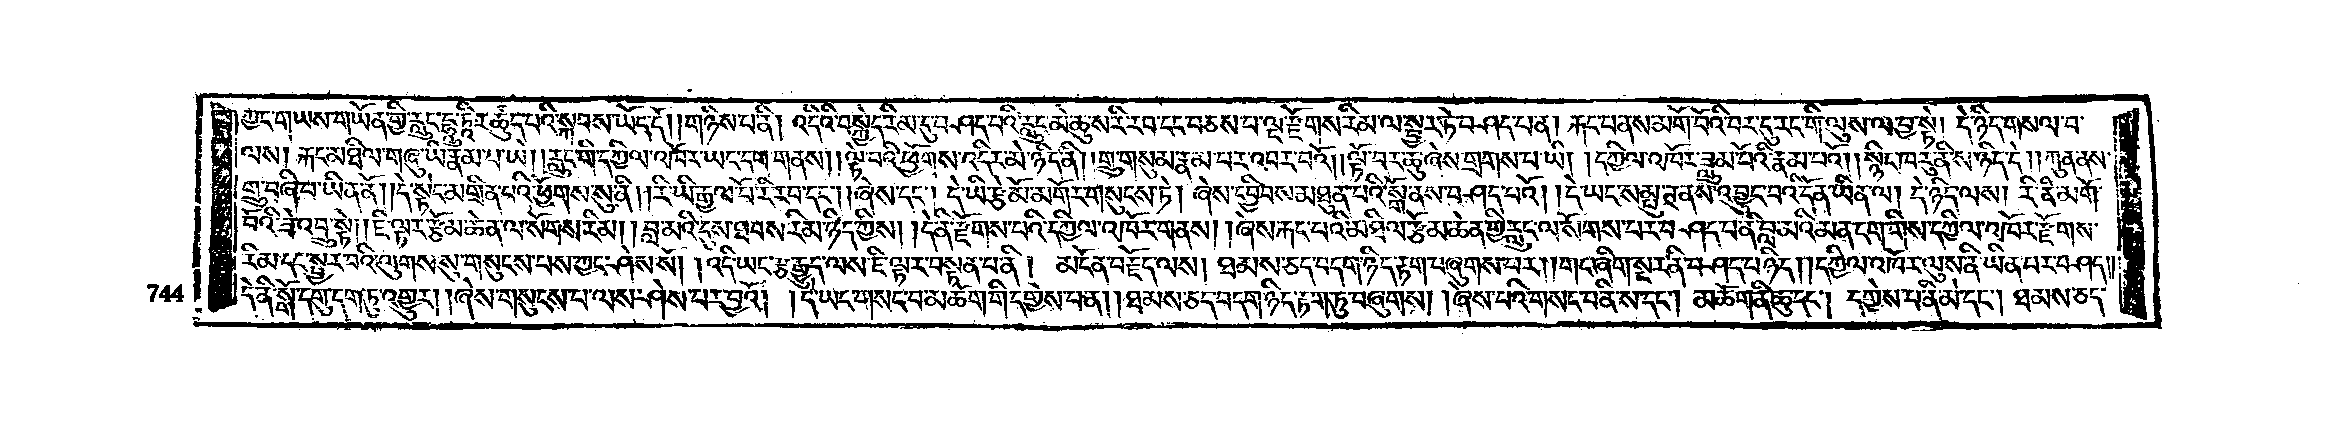ཀྱང་གཡས་གཡོན་གྱི་རླུང་དྷཱུ་ཏཱིར་ཚུད་པའི་སྐབས་ཡོད་དོ། །གཉིས་པ་ནི། འདིའི་བསྐྱེད་རིམ་དུ་བཤད་པའི་རླུང་མེ་ཆུ་ས་རི་རབ་དང་བཅས་པ་ལྔ་རྫོགས་རིམ་ལ་སྦྱར་ཏེ་བཤད་པ་ན། རྐང་པ་ནས་མགོ་བོའི་བར་དུ་རང་གི་ལུས་ལ་བྱ་སྟེ། དེ་ཉིད་གསལ་བ་
ལས། རྐང་མཐིལ་གཞུ་ཡི་རྣམ་པ་ཡི། །རླུང་གི་དཀྱིལ་འཁོར་ཡང་དག་གནས། །ལྟེ་བའི་ཕྱོགས་འདིར་མེ་ཉིད་ནི། །གྲུ་གསུམ་རྣམ་པར་འབར་བའོ། །ལྟོ་བར་ཆུ་ཞེས་གྲགས་པ་ཡི། །དཀྱིལ་འཁོར་ཟླུམ་པོའི་རྣམ་པའོ། །སྙིང་ཁ་རུ་ནི་ས་ཉིད་དེ། །ཀུན་ནས་
གྲུ་བཞི་པ་ཡིན་ནོ། །དེ་སྟེང་མགྲིན་པའི་ཕྱོགས་སུ་ནི། །རི་ཡི་རྒྱལ་པོ་རི་རབ་དང་། །ཞེས་དང་། དེ་ཡི་རྩེ་མོ་མགོར་གསུངས་ཏེ། ཞེས་དབྱིབས་མཐུན་པའི་སྒོ་ནས་བཤད་པའོ། །དེ་ཡང་སམྤུ་ཊ་ནས་འབྱུང་བའི་དོན་ཡིན་ལ། དེ་ཉིད་ལས། རི་ནི་མགོ་
བོའི་ཟེ་འབྲུ་སྟེ། །ཇི་ལྟར་རྩོམ་ཆེན་ལ་སོགས་རིམ། །བླ་མའི་དུས་ཐབས་རིམ་ཉིད་ཀྱིས། །དེ་ནི་རྫོགས་པའི་དཀྱིལ་འཁོར་གནས། །ཞེས་རྐང་པའི་མཐིལ་རྩོམ་ཆེན་གྱི་རླུང་ལ་སོགས་པར་བཤད་པ་ནི་བླ་མའི་མན་ངག་གིས་དཀྱིལ་འཁོར་རྫོགས་
རིམ་དང་སྦྱར་བའི་ལུགས་སུ་གསུངས་པས་ཀྱང་ཤེས་སོ། །འདི་ཡང་རྩ་རྒྱུད་ལས་ཇི་ལྟར་བསྟན་པ་ནི། མངོན་བརྗོད་ལས། ཐམས་ཅད་བདག་ཉིད་རྟག་བཞུགས་པར། །གང་ཞིག་སྔར་ནི་བཤད་པ་ཉིད། །དཀྱིལ་འཁོར་ལུས་ནི་ཡིན་པར་བཤད།།
དེ་ནི་སྒོ་དགུ་དག་ཏུ་འགྱུར། །ཞེས་གསུངས་པ་ལས་ཤེས་པར་བྱའོ། །དེ་ཡང་གསང་བ་མཆོག་གི་དགྱེས་པ་ན། །ཐམས་ཅད་བདག་ཉིད་རྟག་ཏུ་བཞུགས། །ཞེས་པའི་གསང་བ་ནི་ས་དང་། མཆོག་ནི་ཆ་དང་། དགྱེས་པ་ནི་མེ་དང་། ཐམས་ཅད་